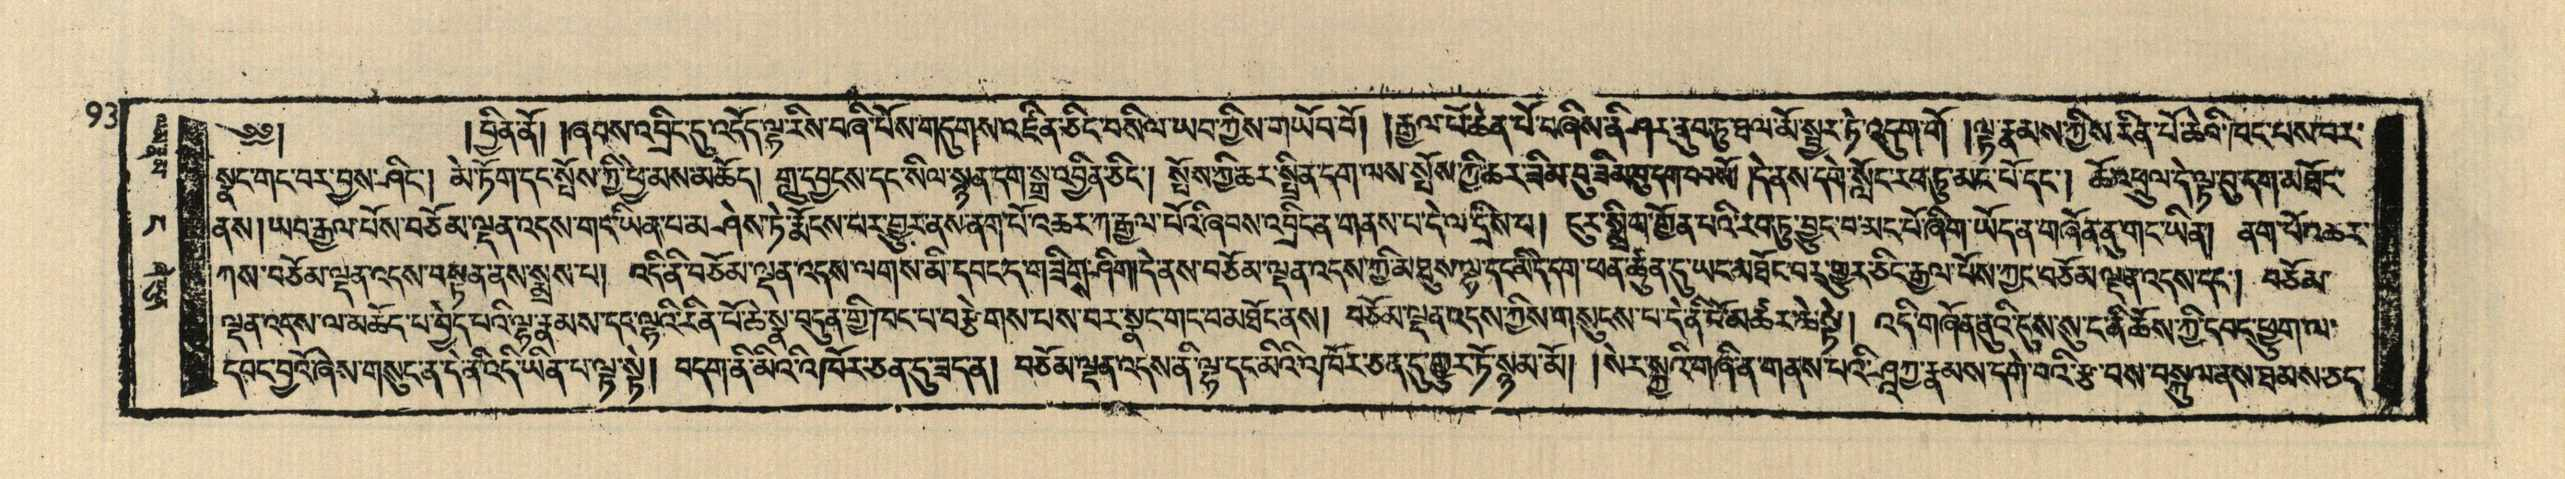༄༅། །བྱིན་ནོ། །ཞབས་འབྲིང་དུ་འདོད་ལྷ་རིས་བཞི་པོས་གདུགས་འཛིན་ཅིང་བསིལ་ཡབ་ཀྱིས་གཡོབ་བོ། །རྒྱལ་པོ་ཆེན་པོ་བཞིས་ནི་ཤར་ནུབ་ཏུ་ཐལ་མོ་སྦྱར་ཏེ་འདུག་གོ །ལྷ་རྣམས་ཀྱིས་རིན་པོ་ཆེའི་ཁང་པས་བར་
སྣང་གང་བར་བྱས་ཤིང་། མེ་ཏོག་དང་སྤོས་ཀྱི་ཕྱེ་མས་མཆོད། གླུ་དབྱངས་དང་སིལ་སྙན་དག་སྒྲ་འབྱིན་ཅིང་། སྤོས་ཀྱི་ཆར་སྤྲིན་དག་ལས་སྤོས་ཀྱི་ཆར་ཟིམ་བུ་ཟིམ་བུ་དག་བབས་སོ། །དེ་ནས་དགེ་སློང་རབ་ཏུ་མང་པོ་དང་། ཆོ་འཕྲུལ་དེ་ལྟ་བུ་དག་མཐོང་
ནས། ཡབ་རྒྱལ་པོས་བཅོམ་ལྡན་འདས་གང་ཡིན་པ་མ་ཤེས་ཏེ་རྨོངས་པར་གྱུར་ནས་ནག་པོ་འཆར་ཀ་རྒྱལ་པོའི་ཞབས་འབྲིང་ན་གནས་པ་དེ་ལ་དྲིས་པ། དུར་སྨྲིག་གྱོན་པའི་རབ་ཏུ་བྱུང་བ་མང་པོ་ཞིག་ཡོད་ན་གཞོན་ནུ་གང་ཡིན། ནག་པོ་འཆར་
ཀས་བཅོམ་ལྡན་འདས་བསྟན་ནས་སྨྲས་པ། འདི་ནི་བཅོམ་ལྡན་འདས་ལགས་མི་དབང་ད་གཟིགས་ཤིག། དེ་ནས་བཅོམ་ལྡན་འདས་ཀྱི་མཐུས་ལྷ་དང་མི་དེ་དག་ཕན་ཚུན་དུ་ཡང་མཐོང་བར་གྱུར་ཅིང་རྒྱལ་པོས་ཀྱང་བཅོམ་ལྡན་འདས་དང་། བཅོམ་
ལྡན་འདས་ལ་མཆོད་པ་བྱེད་པའི་ལྷ་རྣམས་དང་ལྷའི་རིན་པོ་ཆེ་སྣ་བདུན་གྱི་ཁང་པ་བརྩེགས་པས་བར་སྣང་གང་བ་མཐོང་ནས། བཅོམ་ལྡན་འདས་ཀྱིས་གསུངས་པ་དེ་ནི་ངོ་མཚར་ཆེ་སྟེ། འདི་གཞོན་ནུའི་དུས་སུ་ང་ནི་ཆོས་ཀྱི་དབང་ཕྱུག་ལ་
དབང་བྱའོ་ཞེས་གསུང་ན་དེ་ནི་འདི་ཡིན་པ་ལྟ་སྟེ། བདག་ནི་མིའི་འཁོར་ཅན་དུ་ཟད་ན། བཅོམ་ལྡན་འདས་ནི་ལྷ་དང་མིའི་འཁོར་ཅན་དུ་གྱུར་ཏོ་སྙམ་མོ། །སེར་སྐྱའི་གཞི་ན་གནས་པའི་ཤཱཀྱ་རྣམས་དགེ་བའི་རྩ་བས་བསྐུལ་ནས་ཐམས་ཅད་